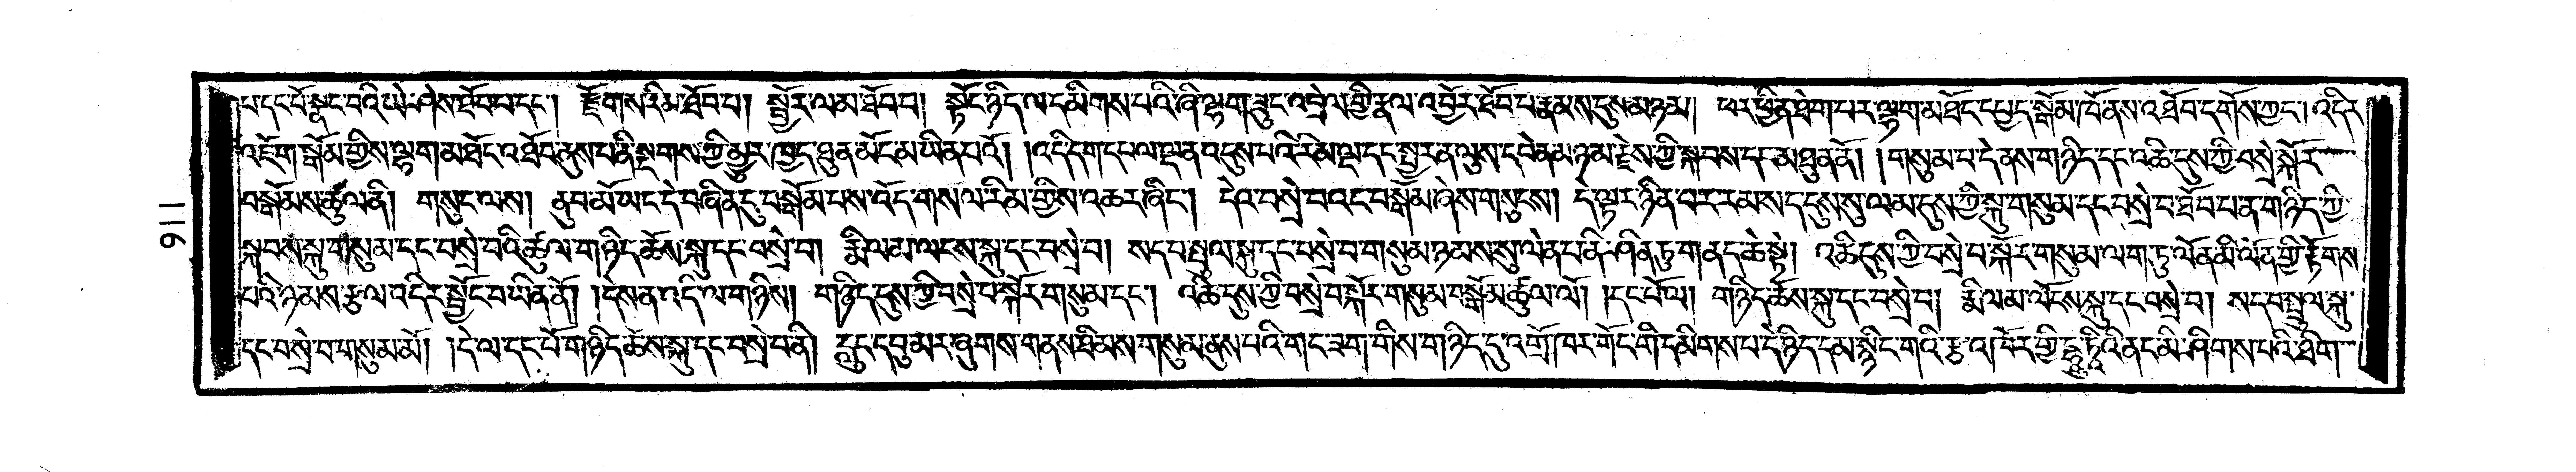པ་དང་པོ་སྣང་བའི་ཡེ་ཤེས་ཐོབ་པ་དང་། རྫོགས་རིམ་ཐོབ་པ། སྦྱོར་ལམ་ཐོབ་པ། སྟོང་ཉིད་ལ་དམིགས་པའི་ཞི་ལྷག་ཟུང་འབྲེལ་གྱི་རྣལ་འབྱོར་ཐོབ་པ་རྣམས་དུས་མཉམ། ཕར་ཕྱིན་ཐེག་པར་ལྷག་མཐོང་དཔྱད་སྒོམ་ཁོ་ནས་འཐོབ་དགོས་ཀྱང་། འདིར་
འཇོག་སྒོམ་གྱིས་ལྷག་མཐོང་འཐོབ་ནུས་པ་ནི་སྔགས་ཀྱི་མྱུར་ཁྱད་ཐུན་མོང་མ་ཡིན་པའོ། །འདི་དག་དཔལ་ལྡན་འདུས་པའི་རིམ་ལྔ་དང་སྦྱར་ན་ལུས་དབེན་མཉམ་རྗེས་ཀྱི་སྐབས་དང་མཐུན་ནོ། །གསུམ་པ་དེ་ནས་གཉིད་དང་འཆི་དུས་ཀྱི་བསྲེ་སྐོར་
བསྒོམ་ཚུལ་ནི། གསུང་ལས། ནུབ་མོ་ཡང་དེ་བཞིན་དུ་བསྒོམས་པས་འོད་གསལ་རིམ་གྱིས་འཆར་ཞིང་། དེའི་བསྲེ་བའང་བསྒོམ་ཞེས་གསུངས། དེ་ལྟར་ཉིན་པར་རམ་སད་དུས་སུ་ལམ་དུས་ཀྱི་སྐུ་གསུམ་དང་བསྲེ་བ་ཐོབ་པ་ན་གཉིད་ཀྱི་
སྐབས་སྐུ་གསུམ་དང་བསྲེ་བའི་ཚུལ་གཉིད་ཆོས་སྐུ་དང་བསྲེ་བ། རྨི་ལམ་ལོངས་སྐུ་དང་བསྲེ་བ། སད་པ་སྤྲུལ་སྐུ་དང་བསྲེ་བ་གསུམ་ཉམས་སུ་ལེན་པ་ནི་ཤིན་ཏུ་གནད་ཆེ་སྟེ། འཆི་དུས་ཀྱི་བསྲེ་བ་སྐོར་གསུམ་ལག་ཏུ་ལོན་མི་ལོན་གྱི་རྟོགས་
པའི་ཉམས་རྩལ་འདིར་སྦྱོང་བ་ཡིན་ནོ། །དེས་ན་འདི་ལ་གཉིས། གཉིད་དུས་ཀྱི་བསྲེ་བ་བསྐོར་གསུམ་དང་། འཆི་དུས་ཀྱི་བསྲེ་བསྐོར་གསུམ་བསྒོམ་ཚུལ་ལོ། །དང་པོ་ལ། གཉིད་ཆོས་སྐུ་དང་བསྲེ་བ། རྨི་ལམ་ལོངས་སྐུ་དང་བསྲེ་བ། སད་པ་སྤྲུལ་སྐུ་
དང་བསྲེ་བ་གསུམ་མོ། །དེ་ལ་དང་པོ་གཉིད་ཆོས་སྐུ་དང་བསྲེ་བ་ནི། རླུང་དབུ་མར་ཞུགས་གནས་ཐིམས་གསུམ་ནུས་པའི་གང་ཟག་གིས་གཉིད་དུ་འགྲོ་ཁར་གོང་གི་དམིགས་པ་དེ་ཉིད་དམ་སྙིང་གའི་རྩ་འཁོར་གྱི་དྷཱུ་ཏཱིའི་ནང་མི་ཤིགས་པའི་ཐིག་